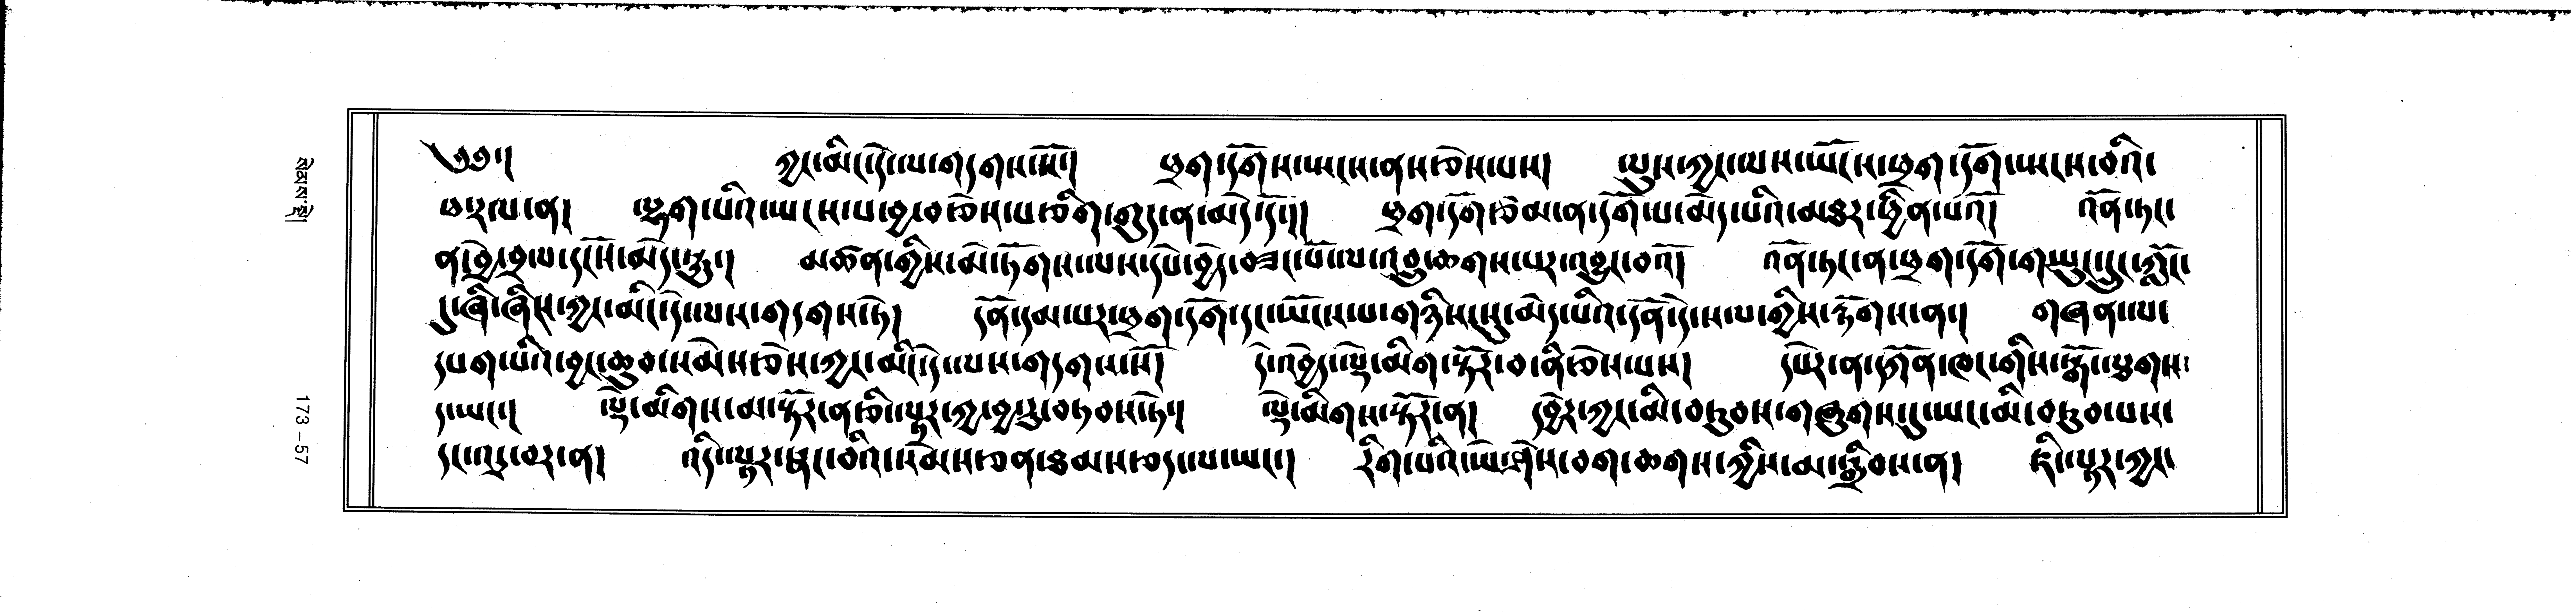ཀྱང་མིང་དེ་ལ་བཏགས་སོ། །ཕྲག་དོག་སྤངས་ནས་ཅེས་པས། ལུས་ཀྱང་ལས་ཡངས་ཕྲག་དོག་སྤངས་པའི་
ཕ་རོལ་ན། ལྷག་པའི་ཡངས་པ་བྱ་བ་ཞིག་གུད་ན་མེད་དོ། །ཕྲག་དོག་ཙམ་ན་དོག་པ་མེད་པའི་མཐར་ཕྱིན་པའོ། །འོན་ཏང་
ན་བྱེ་བྲག་དངོས་མེད་སྐུ། མཚན་གྱི་མེ་ཏོག་ལས་དཔེ་བྱད་བཟང་པོ་ལ་འབྲུ་ཆགས་པར་འབྱུང་བའོ། །འོན་ཏང་ན་ཕྲག་དོག་གཡུང་དྲུང་ཀློང་
དུ་ཞི་ཞིང་ཀྱང་མིང་དེ་ལ་གདགས་ཏེ། དོན་དམ་པར་ཕྲག་དོག་དང་ཡངས་པ་གཉིས་སུ་མེད་པའི་དོན་དེ་སལ་གྱིས་རྟོགས་ན། གཞན་ལ་
དཔག་པའི་བྱང་ཆུབ་སེམས་ཅེས་ཀྱང་མིང་དེ་ལས་གདགས་སོ། །དེ་འབྱེད་ལྡེ་མིག་སྟོར་བ་ནི། ཅེས་པ་དཔེར་ན། དཀོན་༼དཀོར༽ཁང་གི་སྒོ་ལྕགས་
དེ་ཡང་། ལྡེ་མིག་མ་སྟོར་ན་ཅི་ལྟར་ཀྱང་བྱ་རུ་བཏུབ་སྟེ། ལྡེ་མིག་སྟོར་ན། དབྱེར་ཀྱང་མི་བཏུབ་གཞུག་ཏུའང་མི་བཏུབ་པ་
དང་འདྲ་བ་ན། འདི་ལྟར་སྣང་བའི་སེམས་ཅན་ཐམས་ཅད་ལ་ཡང་། རིག་པའི་ཡེ་ཤེས་བག་ཆགས་ཀྱིས་མ་བསྒྲིབས་ན། ཇི་ལྟར་ཀྱང་།